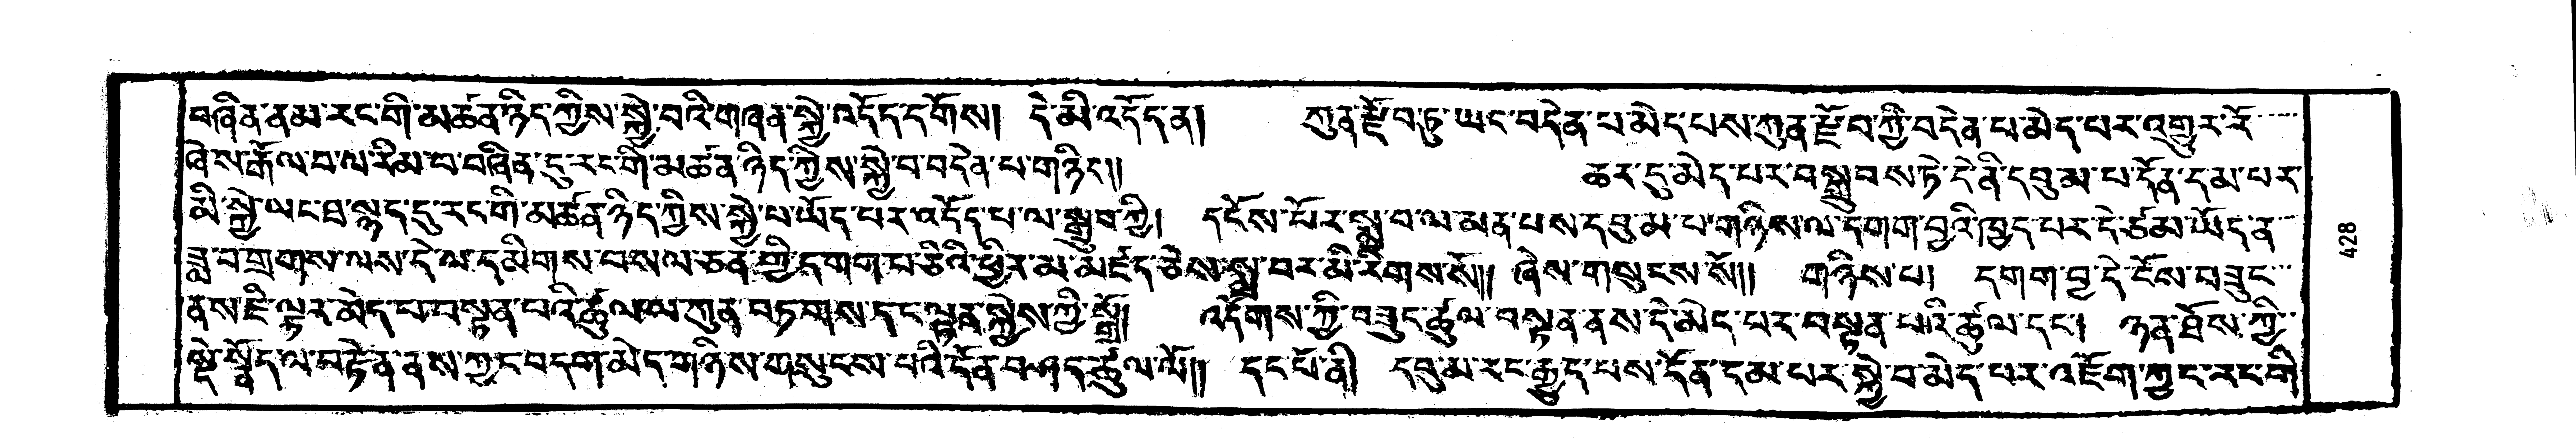བཞིན་ནམ་རང་གི་མཚན་ཉིད་ཀྱིས་སྐྱེ་བའི་གཞན་སྐྱེ་འདོད་དགོས། དེ་མི་འདོད་ན། ཀུན་རྫོབ་ཏུ་ཡང་བདེན་པ་མེད་པས་ཀུན་རྫོབ་ཀྱི་བདེན་པ་མེད་པར་འགྱུར་རོ་
ཞེས་རྒོལ་བ་ལ་རིམ་པ་བཞིན་དུ་རང་གི་མཚན་ཉིད་ཀྱིས་སྐྱེ་བ་བདེན་པ་གཉིད། །ཆར་དུ་མེད་པར་བསྒྲུབས་ཏེ་དེ་ནི་དབུ་མ་པ་དོན་དམ་པར་
མི་སྐྱེ་ཡང་ཐ་སྙད་དུ་རང་གི་མཚན་ཉིད་ཀྱིས་སྐྱེ་པ་ཡོད་པར་འདོད་པ་ལ་སྒྲུབ་ཀྱི། དངོས་པོར་སྨྲ་བ་ལ་མན་པས་དབུ་མ་པ་གཉིས་ལ་དགག་བྱའི་ཁྱད་པར་དེ་ཙམ་ཡོད་ན་
ཟླ་བ་གྲགས་ལས་དེ་ལ་དམིགས་བསལ་ཅན་གྱི་དགག་པ་ཅིའི་ཕྱིར་མ་མཛད་ཅེས་སྨྲ་བར་མི་རིགས་སོ། །ཞེས་གསུངས་སོ། །གཉིས་པ། དགག་བྱ་དེ་ངོས་བཟུང་
ནས་ཇི་ལྟར་མེད་པ་བསྟན་པའི་ཚུལ་ལ་ཀུན་བཏགས་དང་ལྷན་སྐྱེས་ཀྱི་སྒྲོ། འདོགས་ཀྱི་བཟུང་ཚུལ་བསྟན་ནས་དེ་མེད་པར་བསྟན་པའི་ཚུལ་དང་། ཉན་ཐོས་ཀྱི་
སྡེ་སྣོད་ལ་བརྟེན་ནས་ཀྱང་བདག་མེད་གཉིས་གསུངས་པའི་དོན་བཤད་ཚུལ་ལོ། །དང་པོ་ནི། དབུ་མ་རང་རྒྱུད་པས་དོན་དམ་པར་སྐྱེ་བ་མེད་པར་འཇོག་ཀྱང་རང་གི་